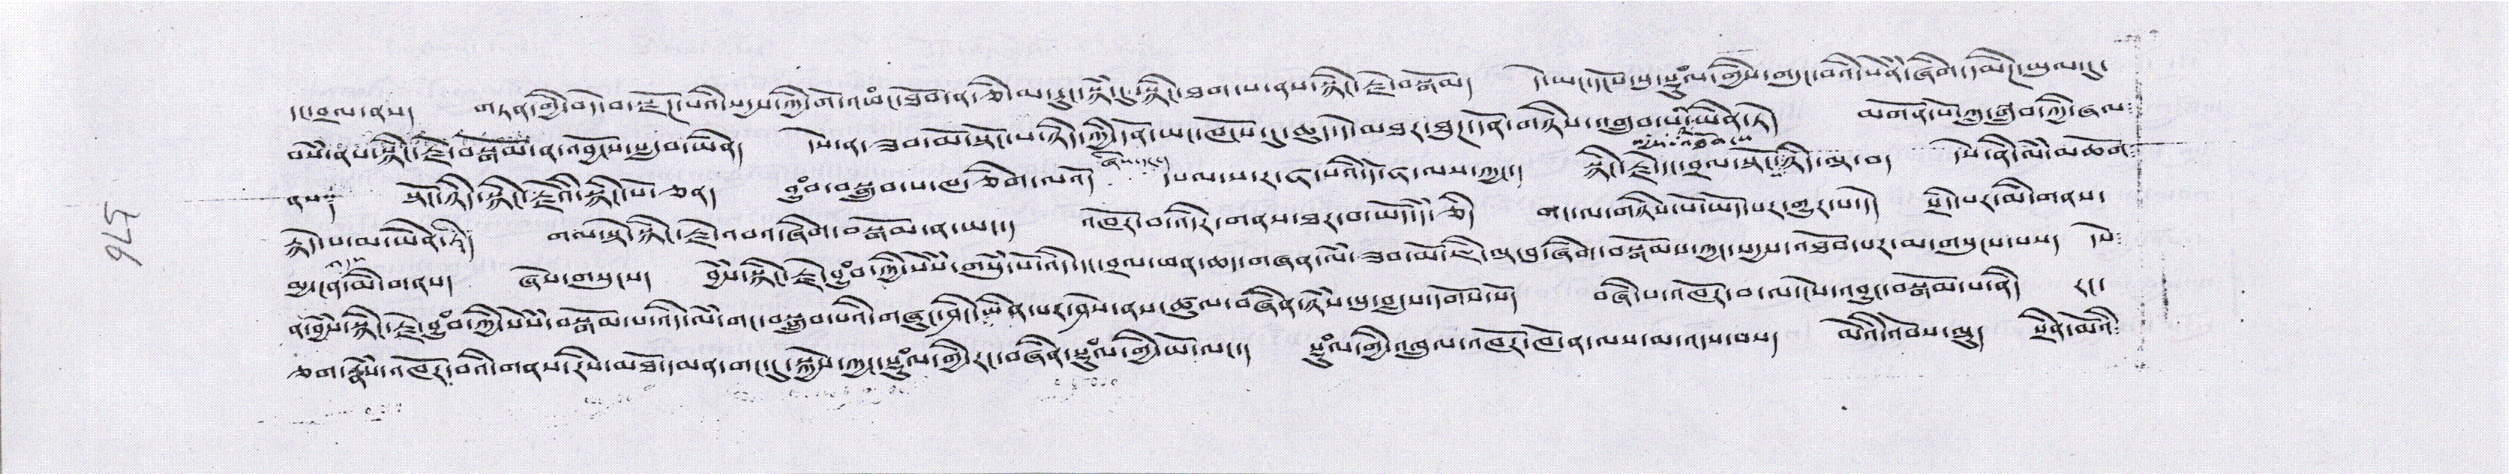དང་བྲལ་ནས། གཏན་གྱི་བདེ་བ་རྫོགས་པའི་སངས་རྒྱས་ཀྱི་གོ་འཕང་ཐོབ་ན་ཅི་མ་རུང་སྙམ་དུ་སྙིང་ཐག་པ་ནས་སྙིང་རྗེ་བསྒོམ། དེ་ཡང་དངོས་སུ་སྡུག་བསྔལ་གྱིས་གདུང་བའི་སེམས་ཅན་ཞིག་དམིགས་ཡུལ་དུ་
བསམ་ནས་སྙིང་རྗེ་བསྒོམ་ན་འབྱོངས་སླ་བ་ཡིན། དེས་ན་ཟབ་མོ་སྟོང་པ་ཉིད་ཀྱི་དོན་ཁོང་ཡང་ཆུད་དེ་མཐར་ཐུག་དོན་གཉིས་འགྲུབ་པའི་སངས་རྒྱས་འཐོབ་པ་ཡིན་ཏེ། མགོན་པོ་ཀླུ་སྒྲུབ་ཀྱི་ཞལ་
ནས། སྟོང་ཉིད་སྙིང་རྗེའི་སྙིང་པོ་ཅན། །བྱང་ཆུབ་བསྒྲུབ་པ་ཁ་ཅིག་ལའོ། །ཞེས་དང་། དཔལ་ས་ར་ཧ་པའི་དོ་ཧ་ལས་ཀྱང་། སྙིང་རྗེ་དང་བྲལ་སྟོང་པ་ཉིད་ལྟ་བ། །དེས་ནི་ལམ་མཆོག་
རྙེད་པ་མ་ཡིན་ཏེ། །གལ་ཏེ་སྙིང་རྗེ་འབའ་ཞིག་བསྒོམས་ན་ཡང་། །འཁོར་བ་འདིར་གནས་ཐར་པ་ཡོད་དམ་ཅི། །གང་ལ་གཉིས་པོ་ཡོད་པར་གྱུར་པ་དེ། །སྲིད་པར་མི་གནས་
མྱ་ངན་འདས་མི་གནས། །ཞེས་གསུངས། བྱམས་སྙིང་རྗེ་བྱང་ཆུབ་ཀྱི་སེམས་གསུམ་པོ་འདི་དང་བྲལ་ཕྱིན་ཆད་གཞན་ལམ་ཟབ་མོ་ཇི་ལྟ་བུ་ཞིག་བསྒོམས་ཀྱང་སངས་རྒྱས་འཐོབ་པར་མ་གསུངས་པས། དེས་
ན་བྱམས་སྙིང་རྗེ་བྱང་ཆུབ་ཀྱིེ་སེམས་བསྒོམ་པ་འདི་ལམ་གང་བསྒྲུབ་པའི་གཞུང་ཤིང་ཡིན་པར་ཤེས་ནས་ཚུལ་བཞིན་ཉམས་སུ་བླང་དགོས་སོ། །བཞི་པ་འཁོར་བ་ལ་ངེས་འབྱུང་བསྒོམ་པ་ནི། རང་
ཅག་རྣམས་འཁོར་བའི་གནས་རིས་མཐོ་དམན་གང་དུ་སྐྱེས་ཀྱང་སྡུག་བསྔལ་གྱི་རང་བཞིན། སྡུག་བསྔལ་གྱི་ཡོ་ལང་། སྡུག་བསྔལ་གྱི་འཁྲུལ་འཁོར་ཁོ་ན་ལས་མ་འདས་པས། མེའི་འོབས་ལྟ་བུ། སྲིན་མོའི་